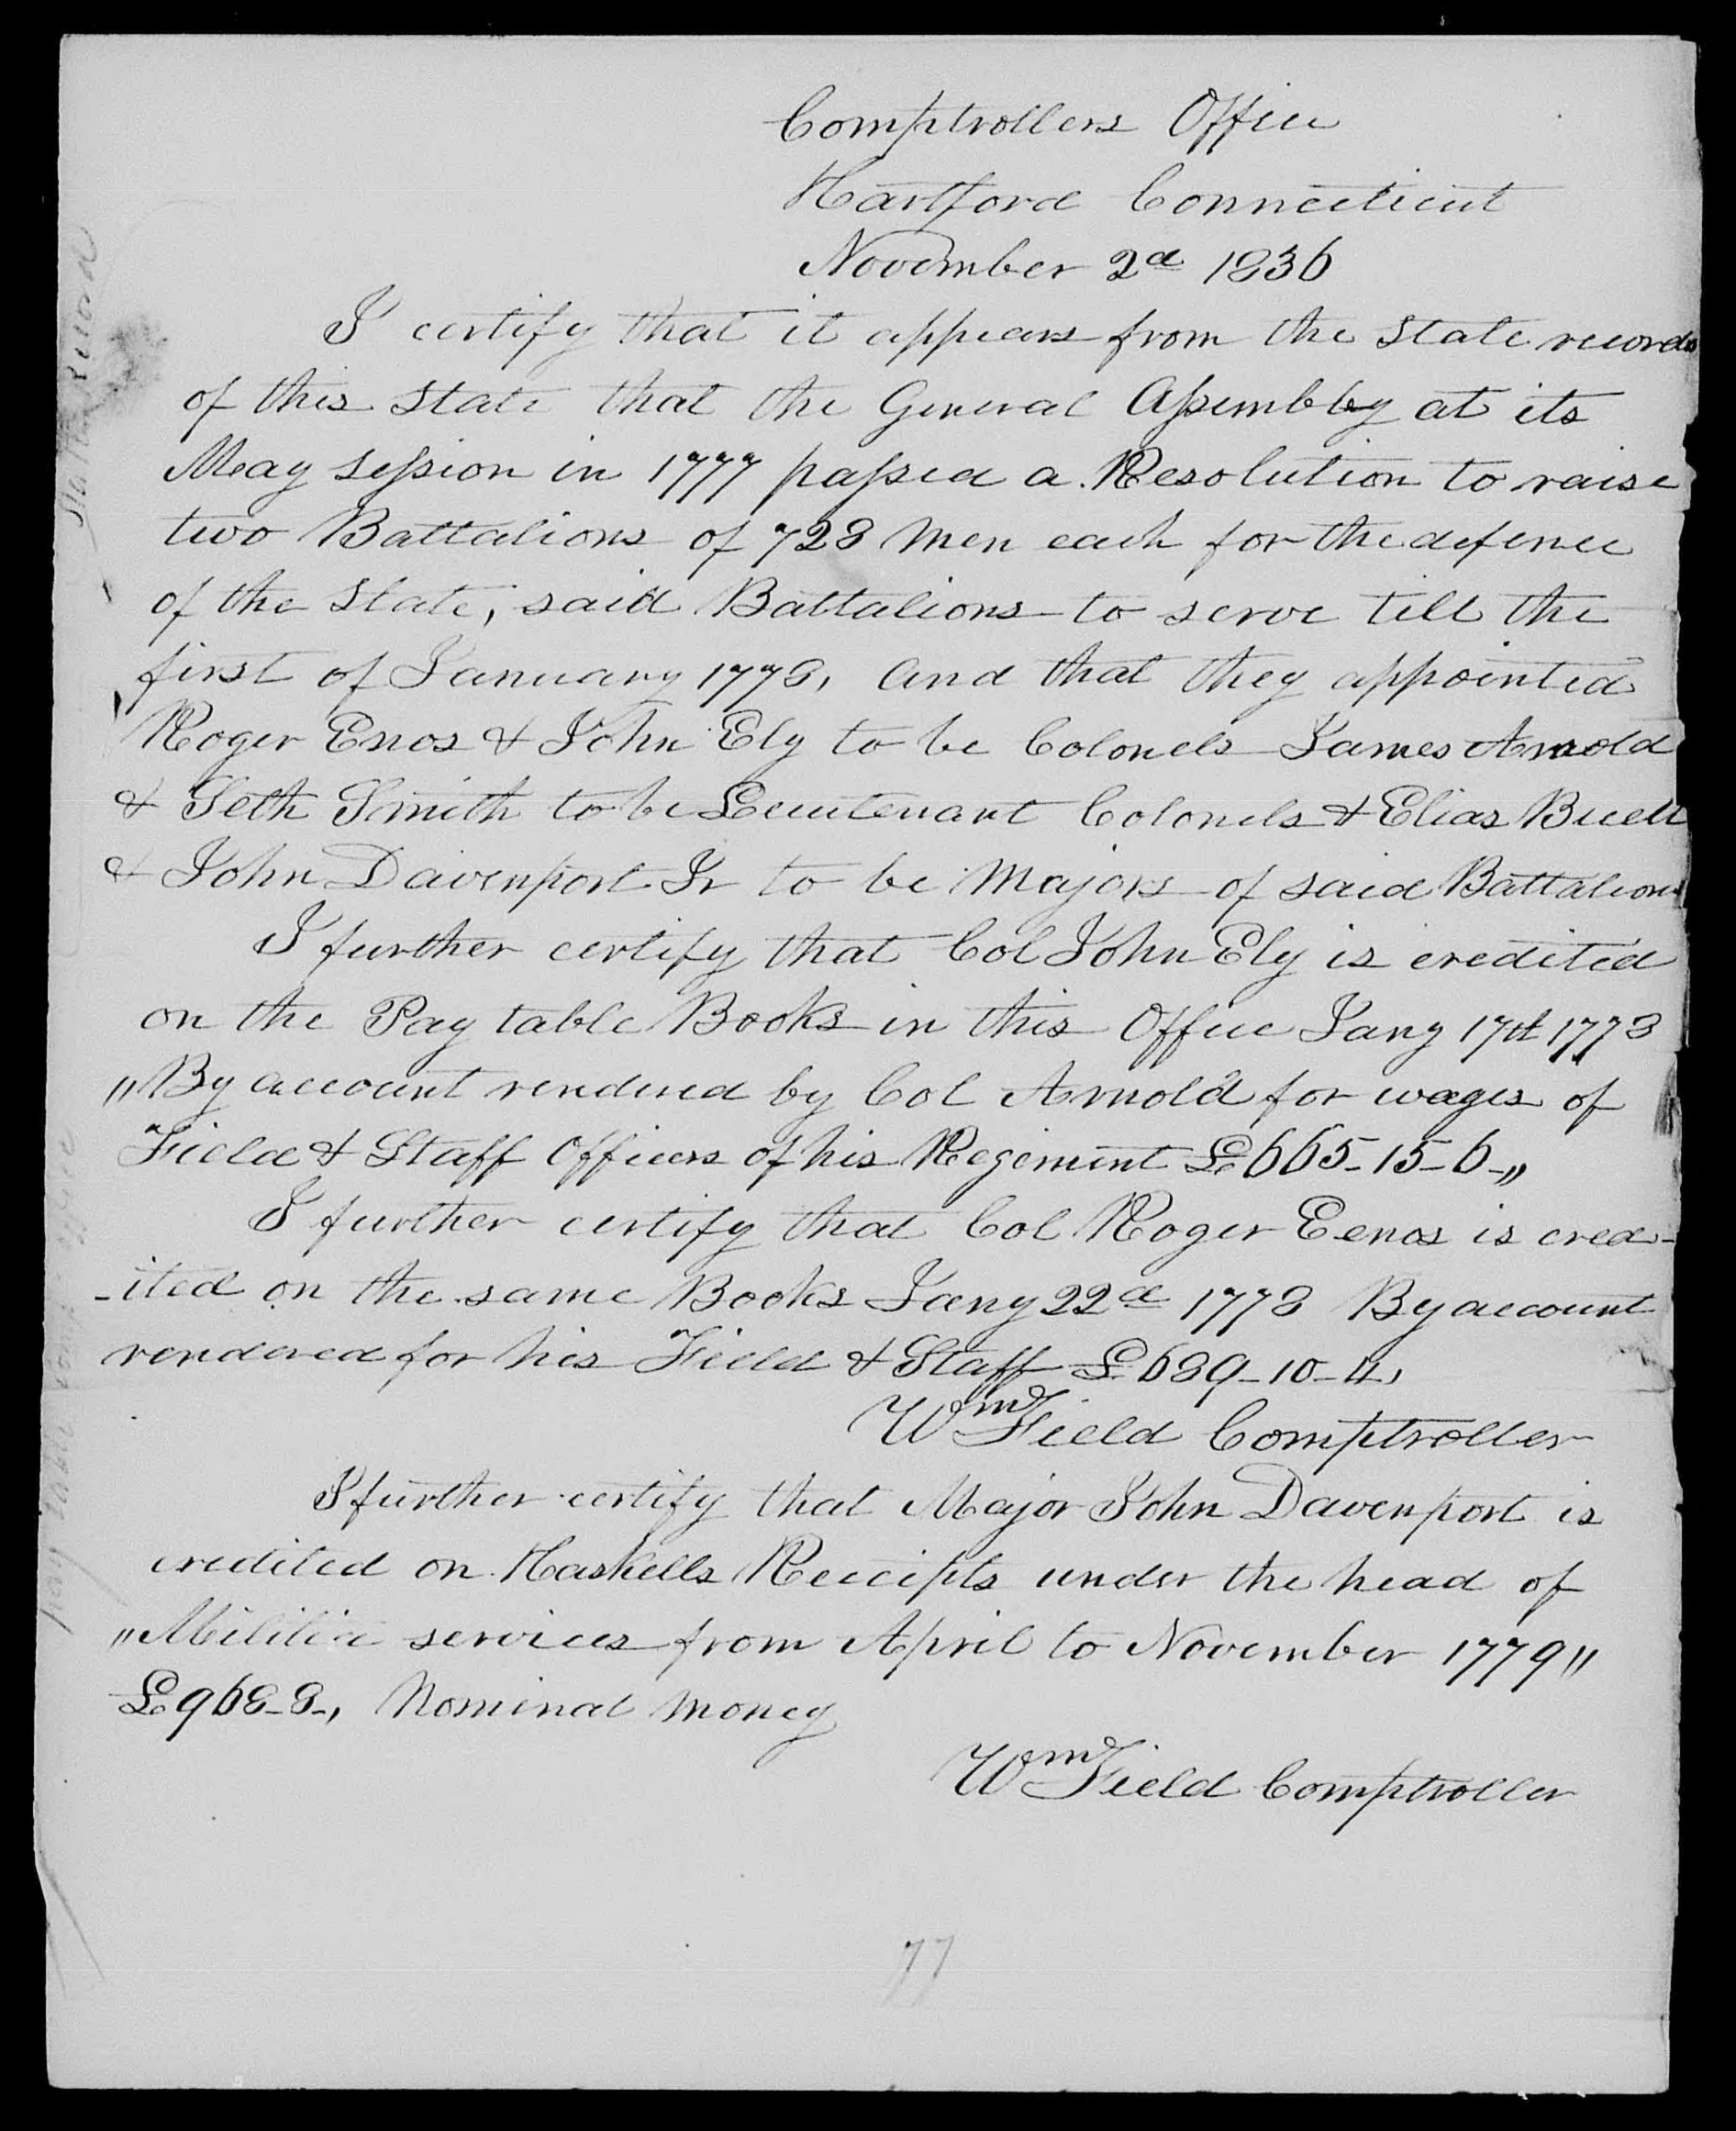Comptrollers Office
Hartford Connecticut
November 2d 1836

I certify that it appears from the state records of this state that the General Assembly at its May session in 1777 passed a Resolution to raise two Battalions of 728 men each for the defense of the State, said Battalions to serve till the first of January 1778, and that they appointed Roger Enos & John Ely to be Colonels James Arnold & Seth Smith to be Lieutenant Colonels & Elias Buell & John Davenport to be Majors of said Battalions on the Pay table Books in this Office Jany 17th 1773 "By account rendered by Col. Arnold for wages of Field & Staff Officers of his Regiment £665_15_6_" 
I further certify that Col. Roger Enos is credited on the same Books Jany 22d 1778 By account rendered for his Field & Staff £689_10_11.
Wm Field Comptroller
I further certify that Major John Davenport is credited on Haskells Receipts under the head of "Militia services from April to November 1779" £ 968_8_ Nominal money
Wm Field Comptroller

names: Seth Smith, John Ely, Elias Buell, James Arnold, Wm Field, John Davenport, Roger Enos, John Ely, Arnold, John Davenport, Wm Field, Roger Eenos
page: 10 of 15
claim: widow's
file: W 17711, John Davenport, Conn.